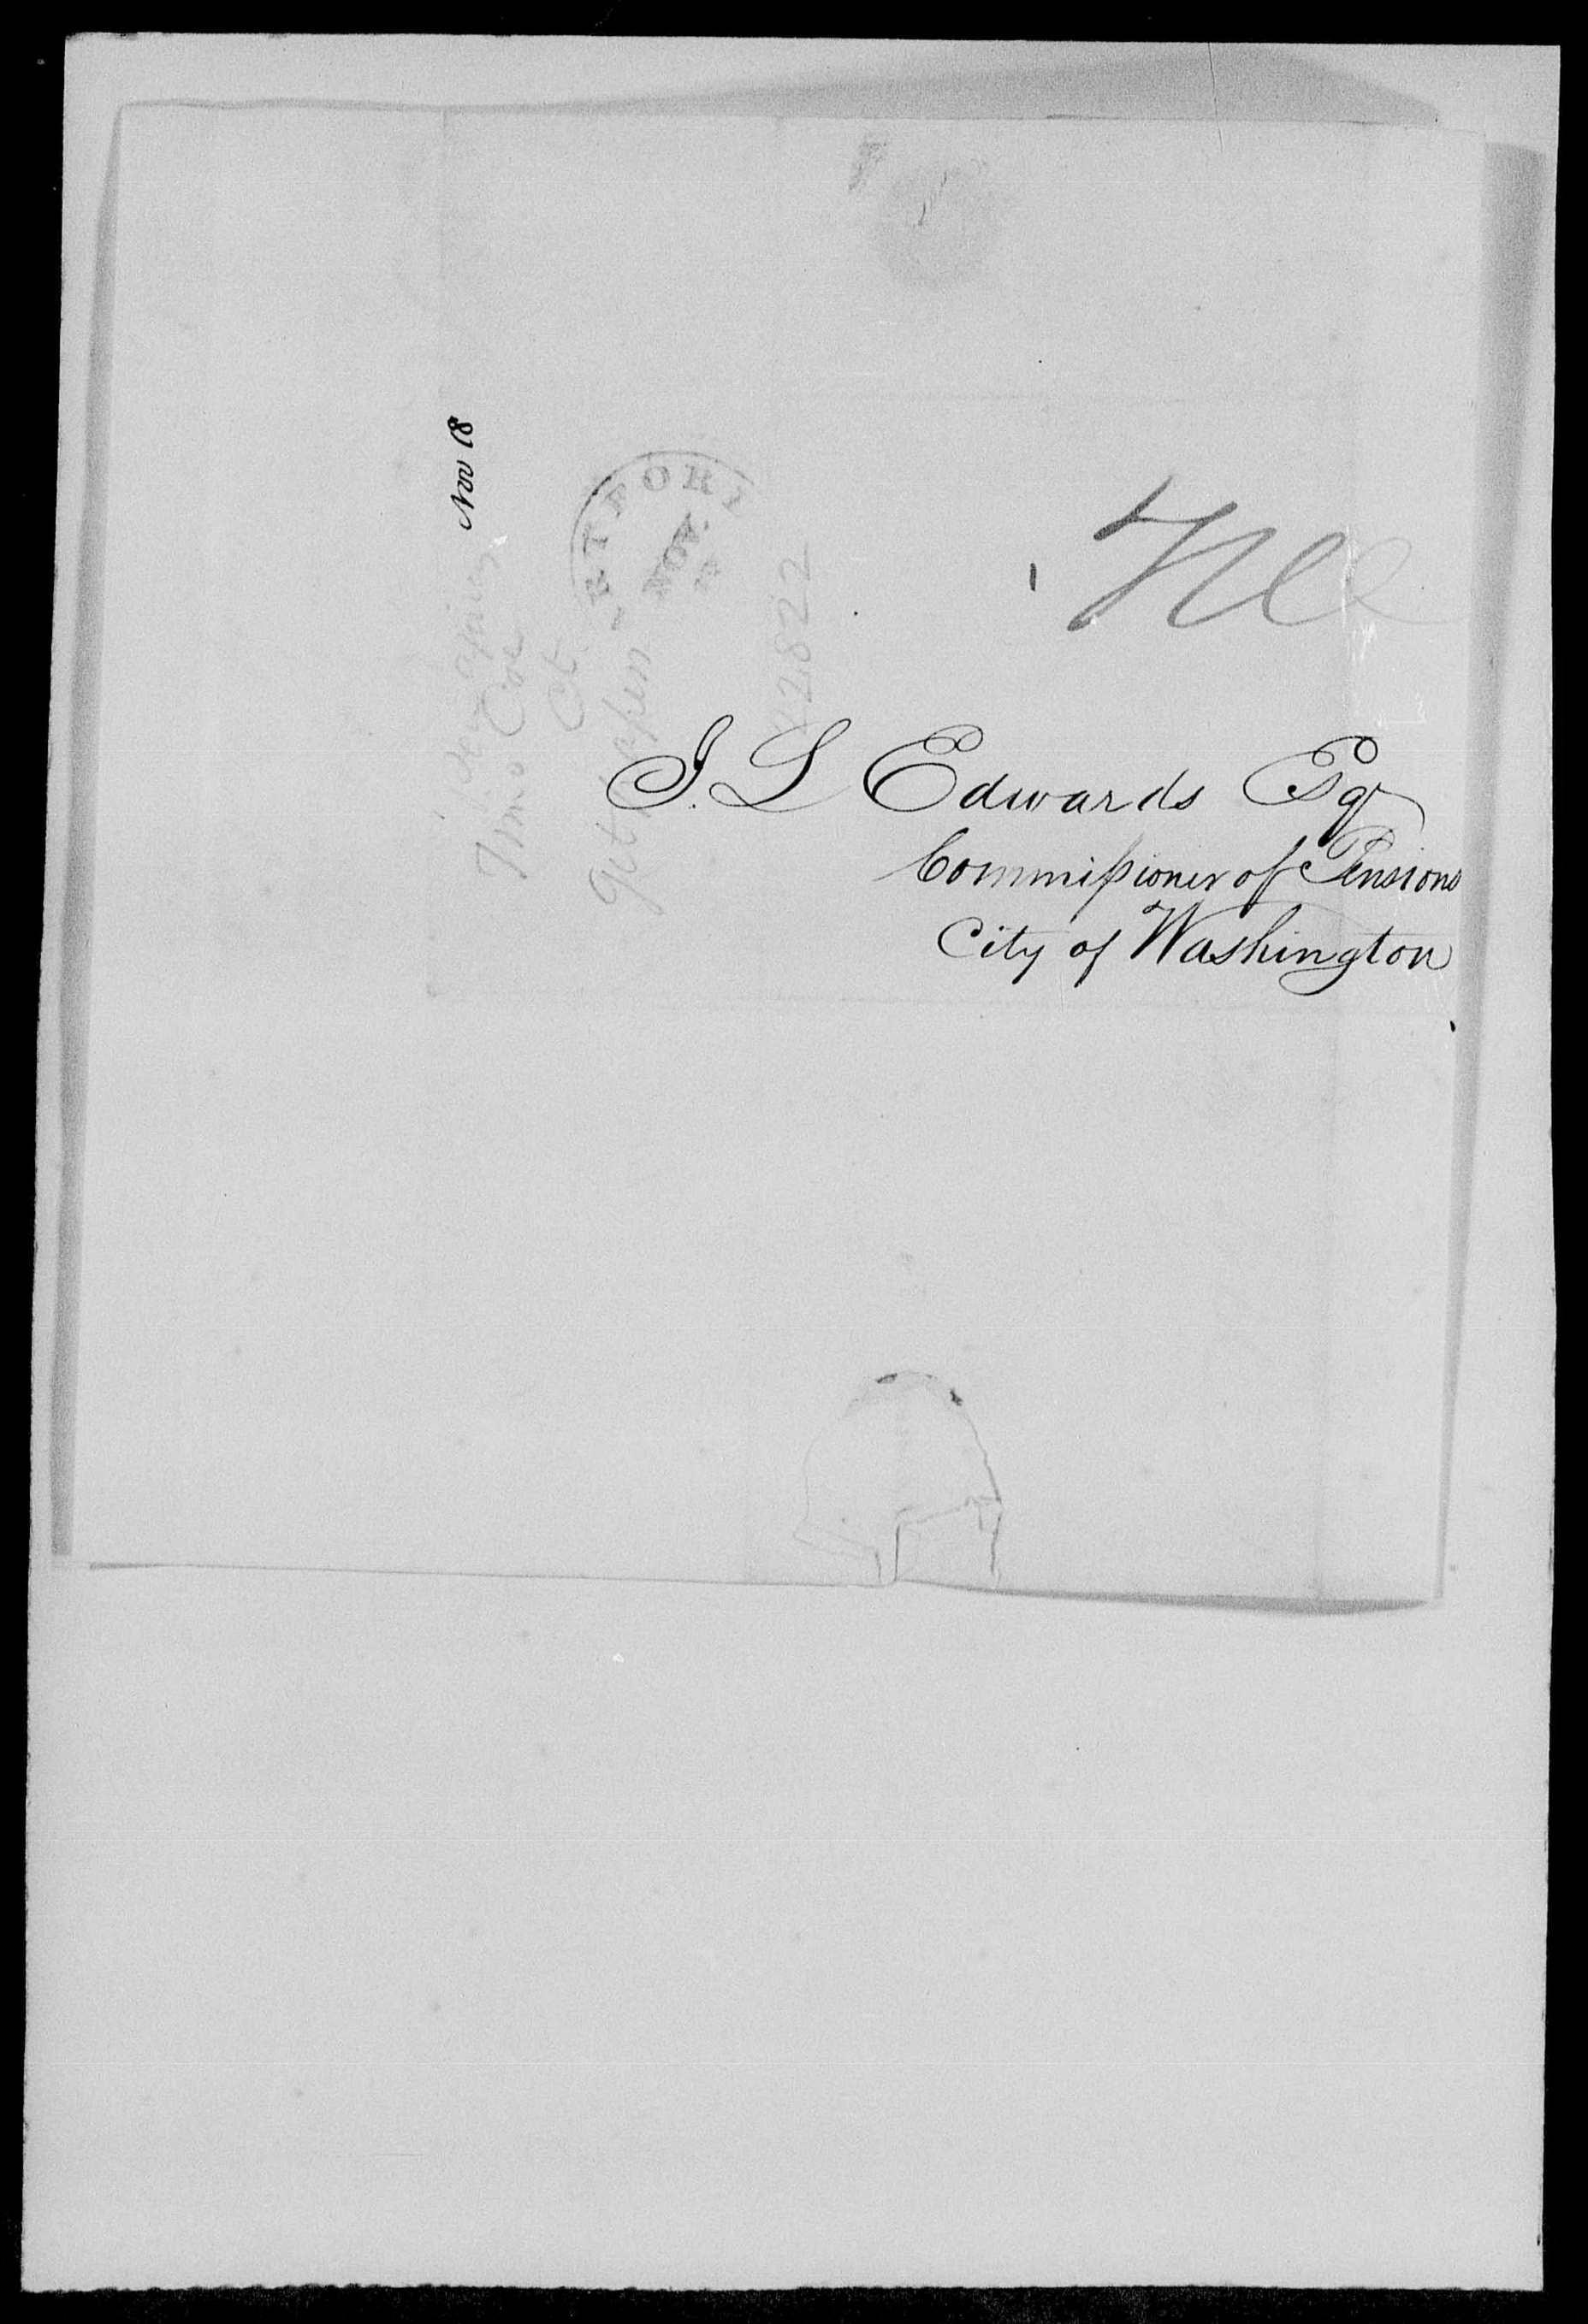Nov 18
Timo Coe
get hafren
22.822
[stamp] HARTFORD NOV
Free
J.L. Edwards Esq
Commissioner of Pensions
City of Washington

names: J L Edwards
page: 30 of 76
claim: widow's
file: W. 5,250, Timothy Coe, Conn.